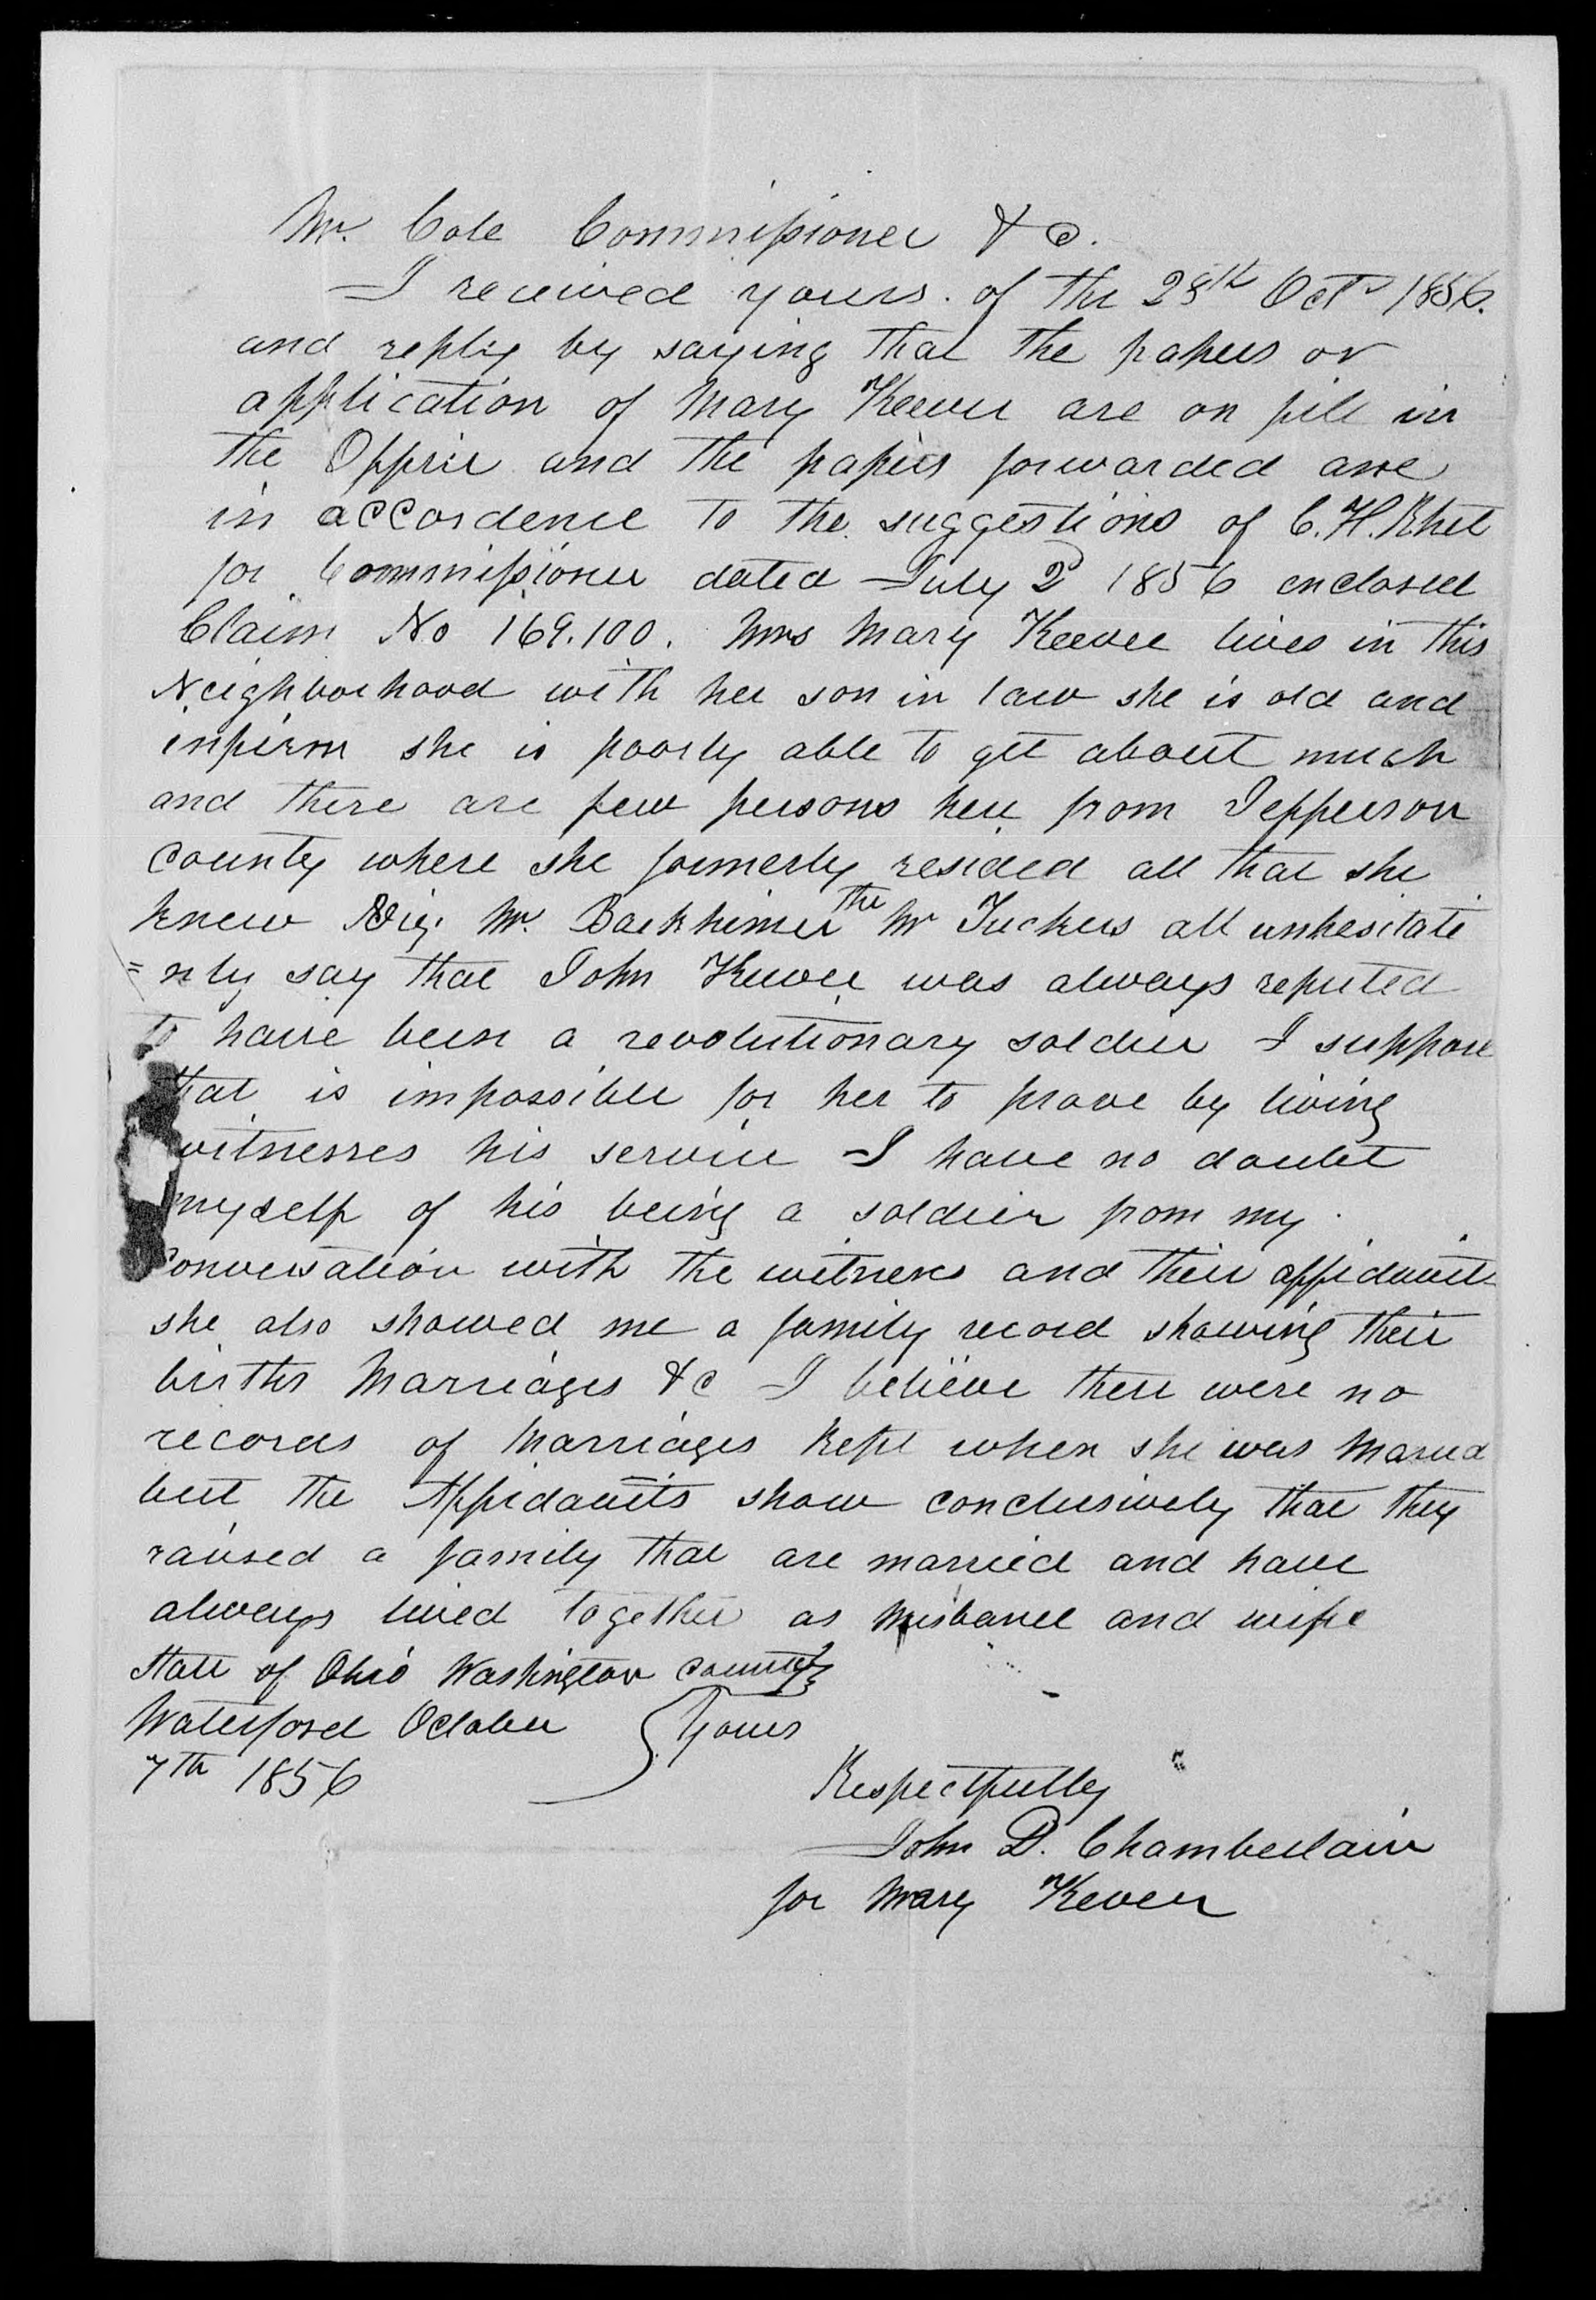Mr Cole Commissioner &c.
I received yours of the 28th Oct 1856. 
and reply by saying that the papers or application of Mary Keever are on file in 
the Office and the papers forwarded are 
in accordance to the suggestions of C. H. Rhett 
for Commissioner dated July 2d 1856 enclosed Claim No 169,100. Mrs Mary Keever lives in this 
Neighborhood with her son in law she is old and 
infirm she is poorly able to get about much 
and there are few persons here from Jefferson 
County where she formerly resided all that she 
knew Viz. Mr Barkhimer the Mr Tuckers all unhesitatedly 
say that John Keever was always reputed 
to have been a revolutionary soldier I suppose 
that is impossible for her to prove by living 
witnesses his service I have no doubt 
myself of his being a soldier from my 
conversation with the witnesses and their affidavits 
she also showed me a family record showing their 
births Marriages &c I believe there were no 
records of Marriages kept when she was maried
but the Affidavits show conclusively that they raised a family that are married and have 
always lived together as husband and wife 
State of Ohio Washington County 
Waterford October 
7th 1856
Yours Respectfully 
John D. Chamberlain for Mary Keever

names: [BLANK] Tuckers; John D Chamberlain; C H Rhet; [BLANK] Cole; Mary Keever; [BLANK] Barkhimer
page: 27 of 33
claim: rejected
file: R. 5814, for John Keever, Maryland